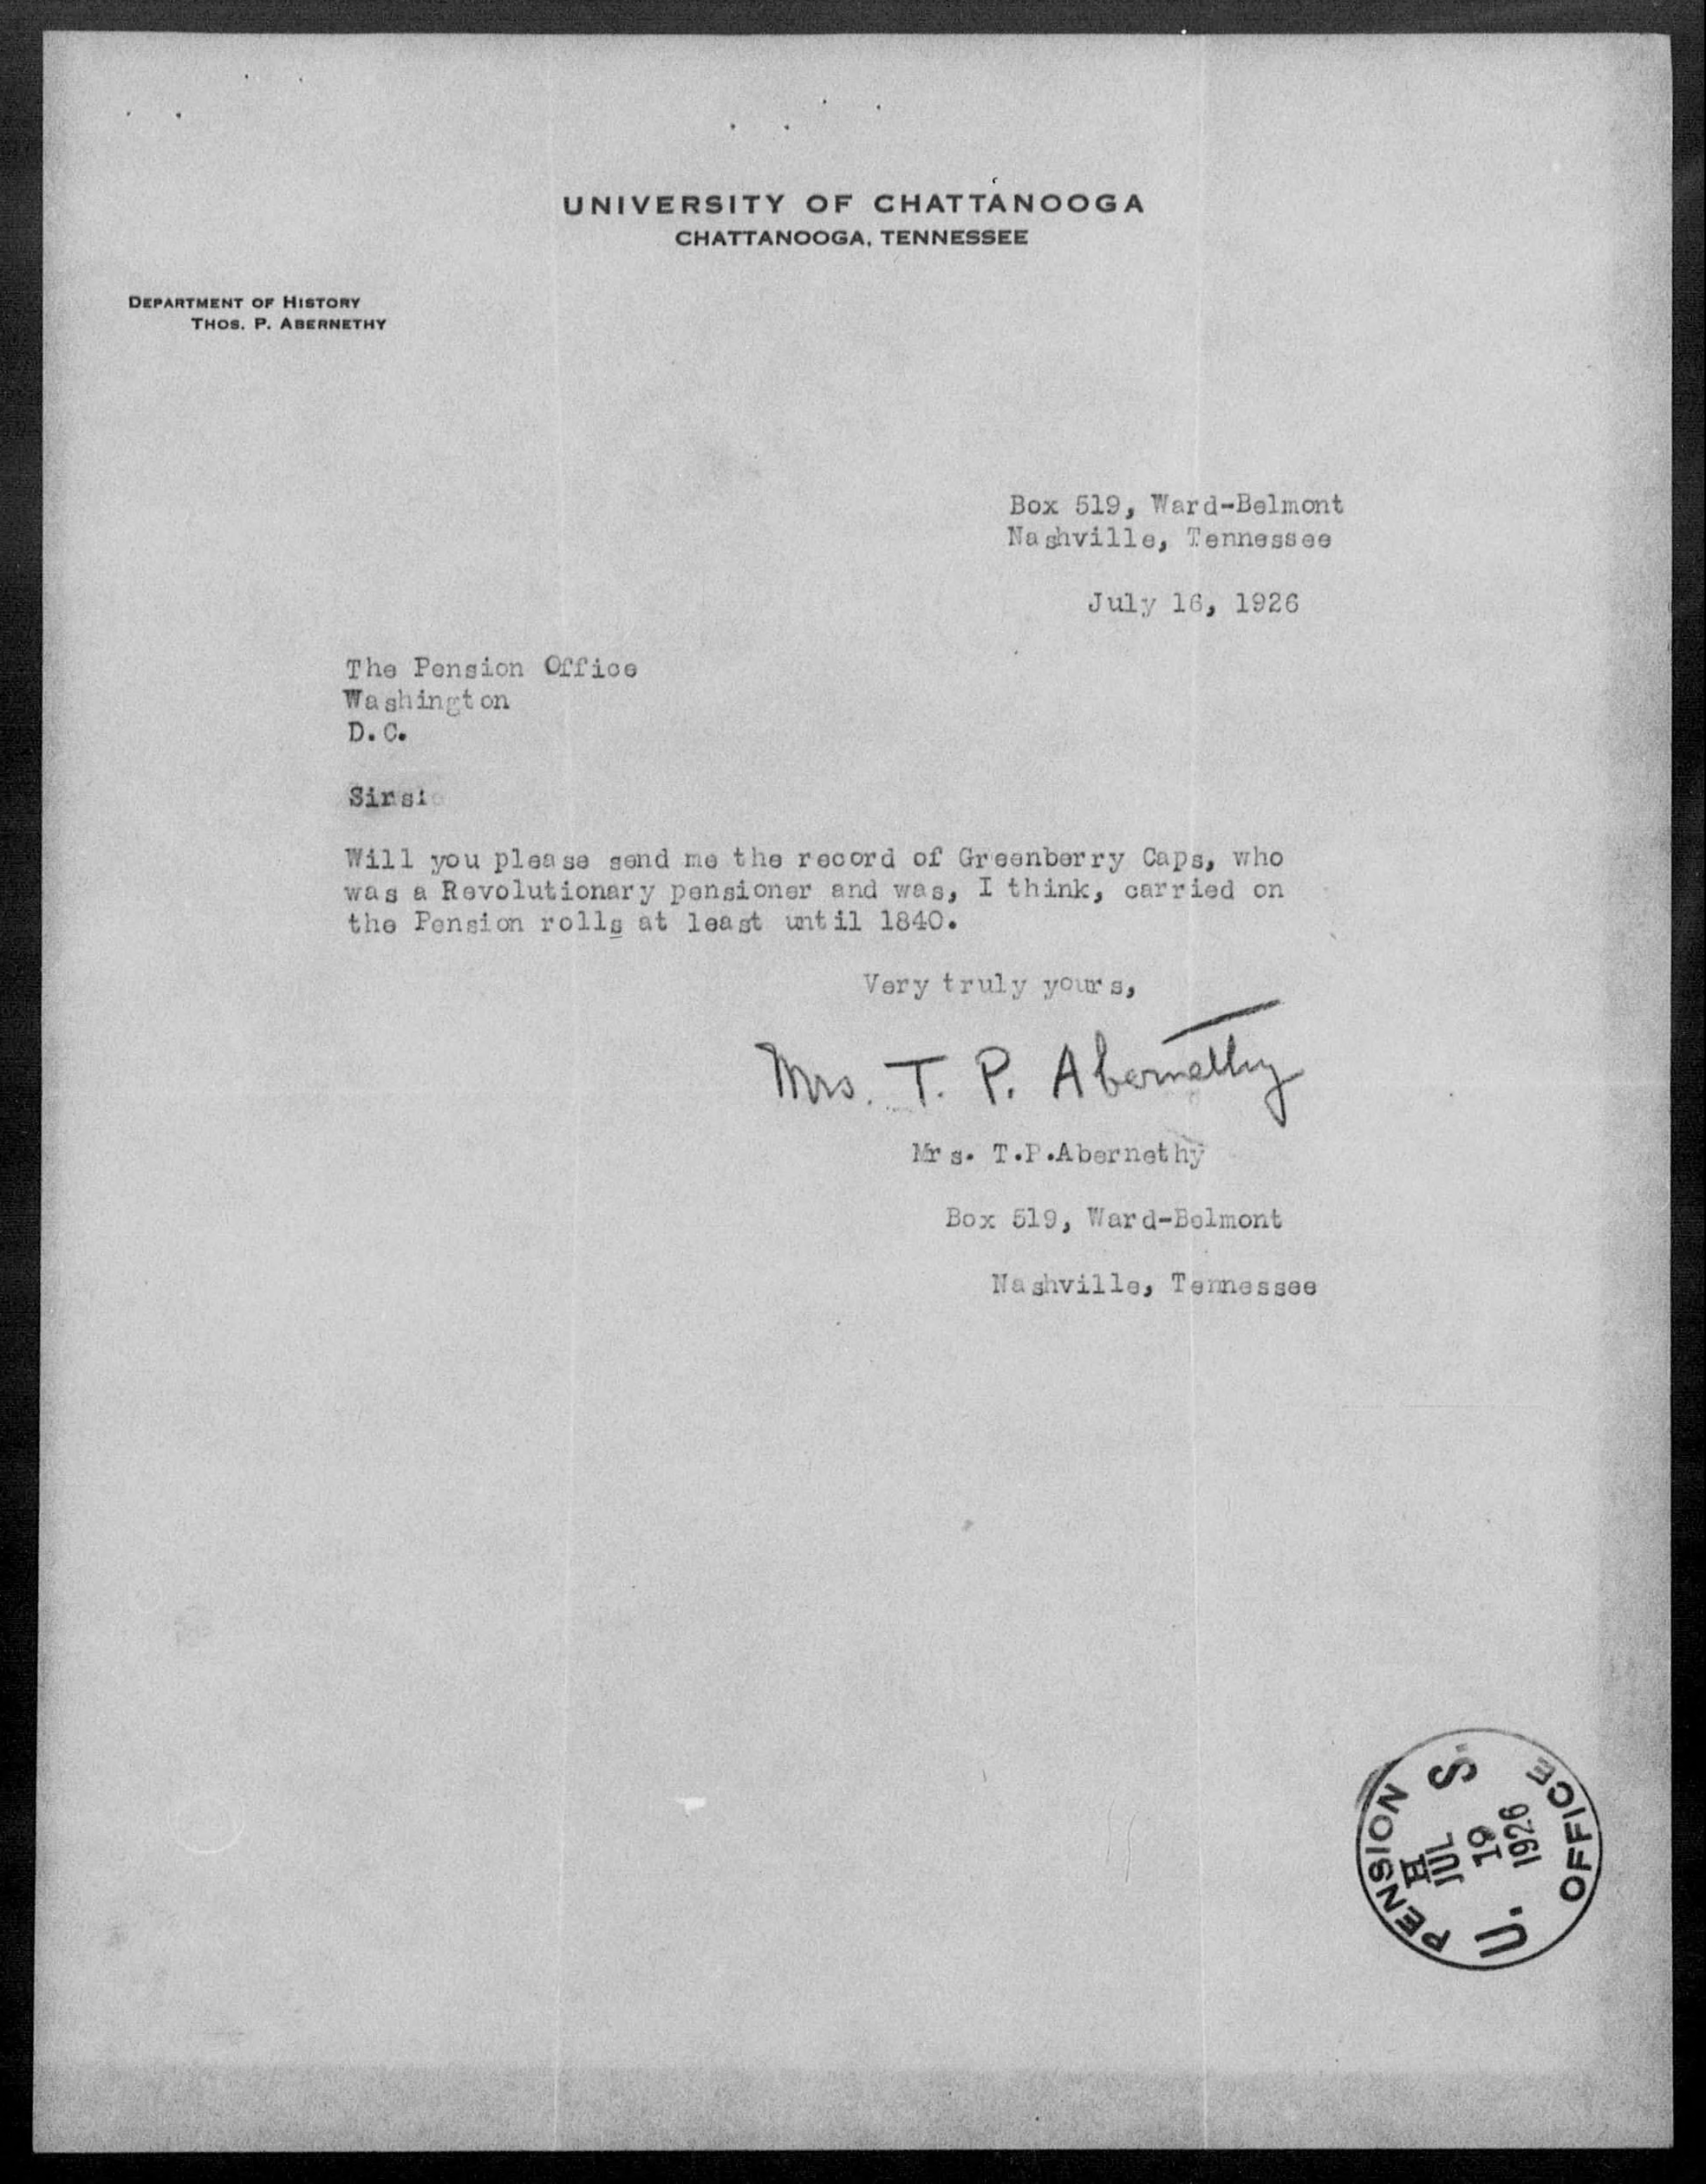UNIVERSITY OF CHATTANOOGA
CHATTANOOGA, TENNESSEE

DEPARTMENT OF HISTORY
THOS. P. ABERNETHY

Box 519, Ward-Belmont
Nashville, Tennessee

July 16, 1926

The Pension Office
Washington D. C.

Sirs:

Will you please send me the record of Greenberry Caps, who was a Revolutionary pensioner and was, I think, carried on
the Pension rolls at least until 1840.

Very truly yours,

Mrs. T. P. Abernethy [handwritten]
Mrs. T. P. Abernethy
Box 519, Ward -- Belmont
Nashville, Tennessee

[Stamped at bottom of document:
Pension Office U.S. 
Jul 19 1926]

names: T P Abernethy, Greenberry Caps, T P Abernethy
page: 18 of 26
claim: survivor's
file: S. 21105, Greenbery Caps, S.C.